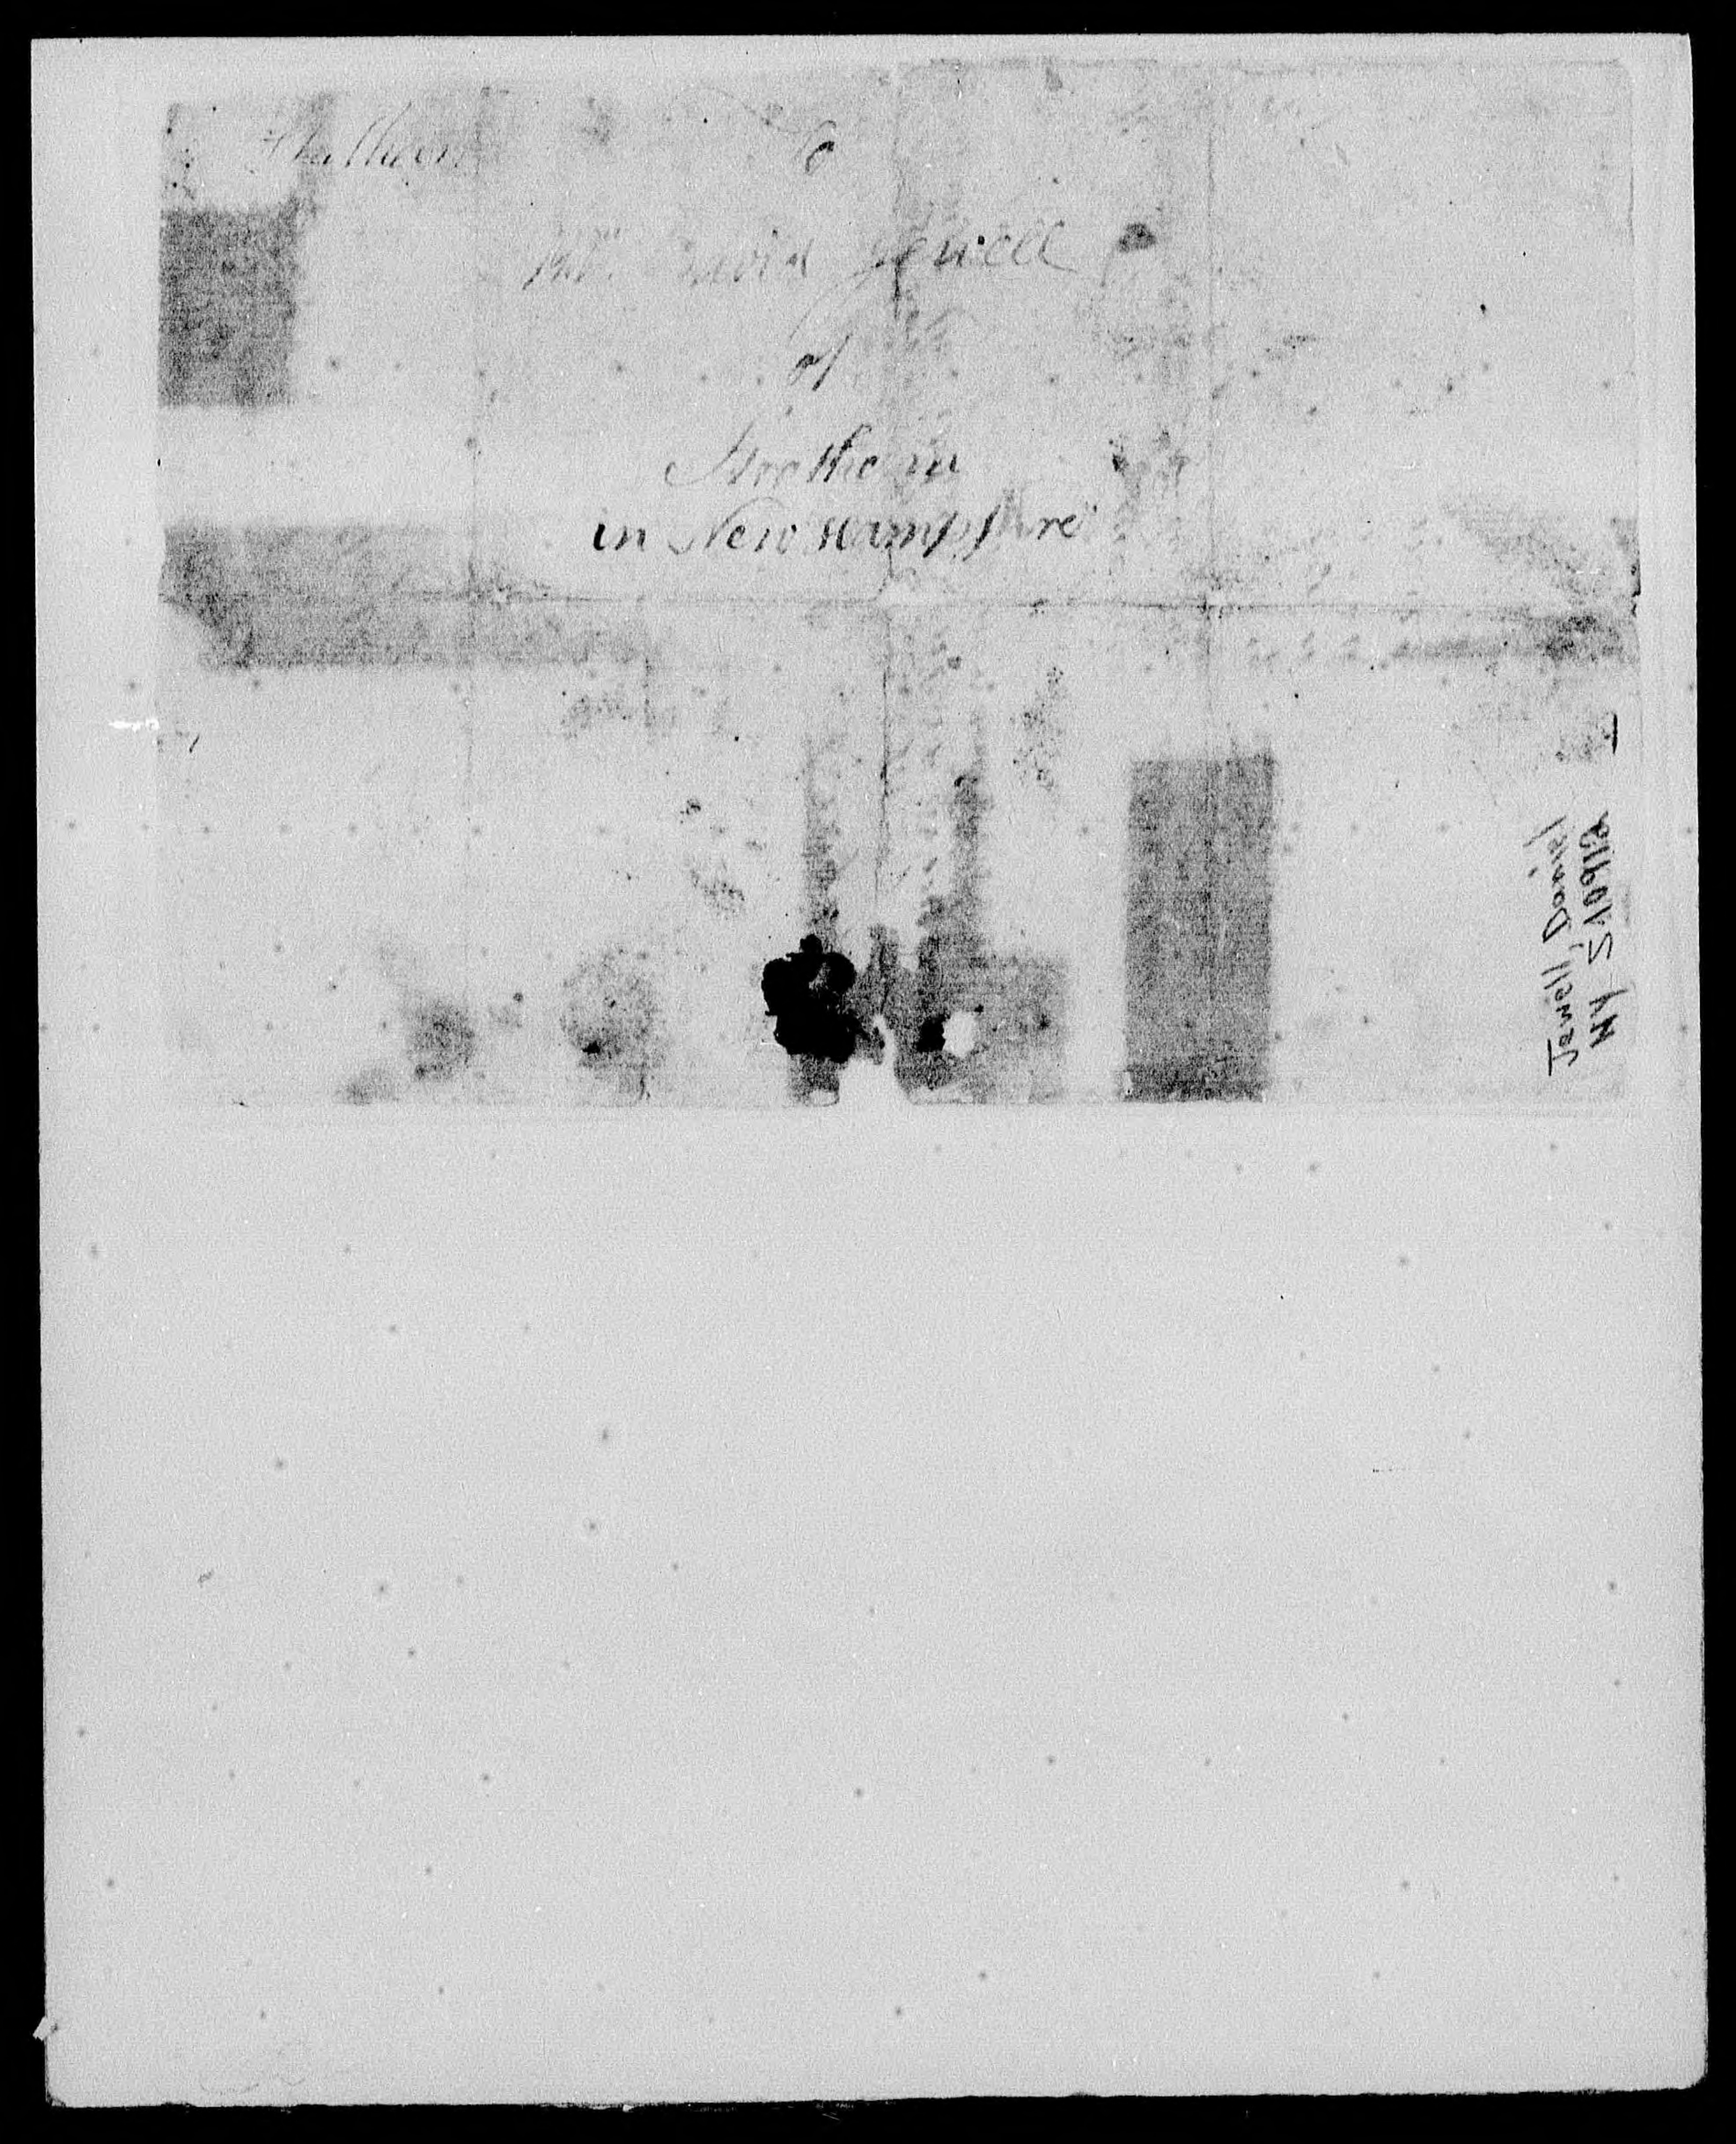The Heirs
To
Mr David Jewell of Stratham in New Hampshire

[right sideways] Jewell Daniel NY S10912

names: Daniel Jewell; David Jewell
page: 11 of 35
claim: survivor's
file: S. 10912, for Daniel Jewell, New Hampshire